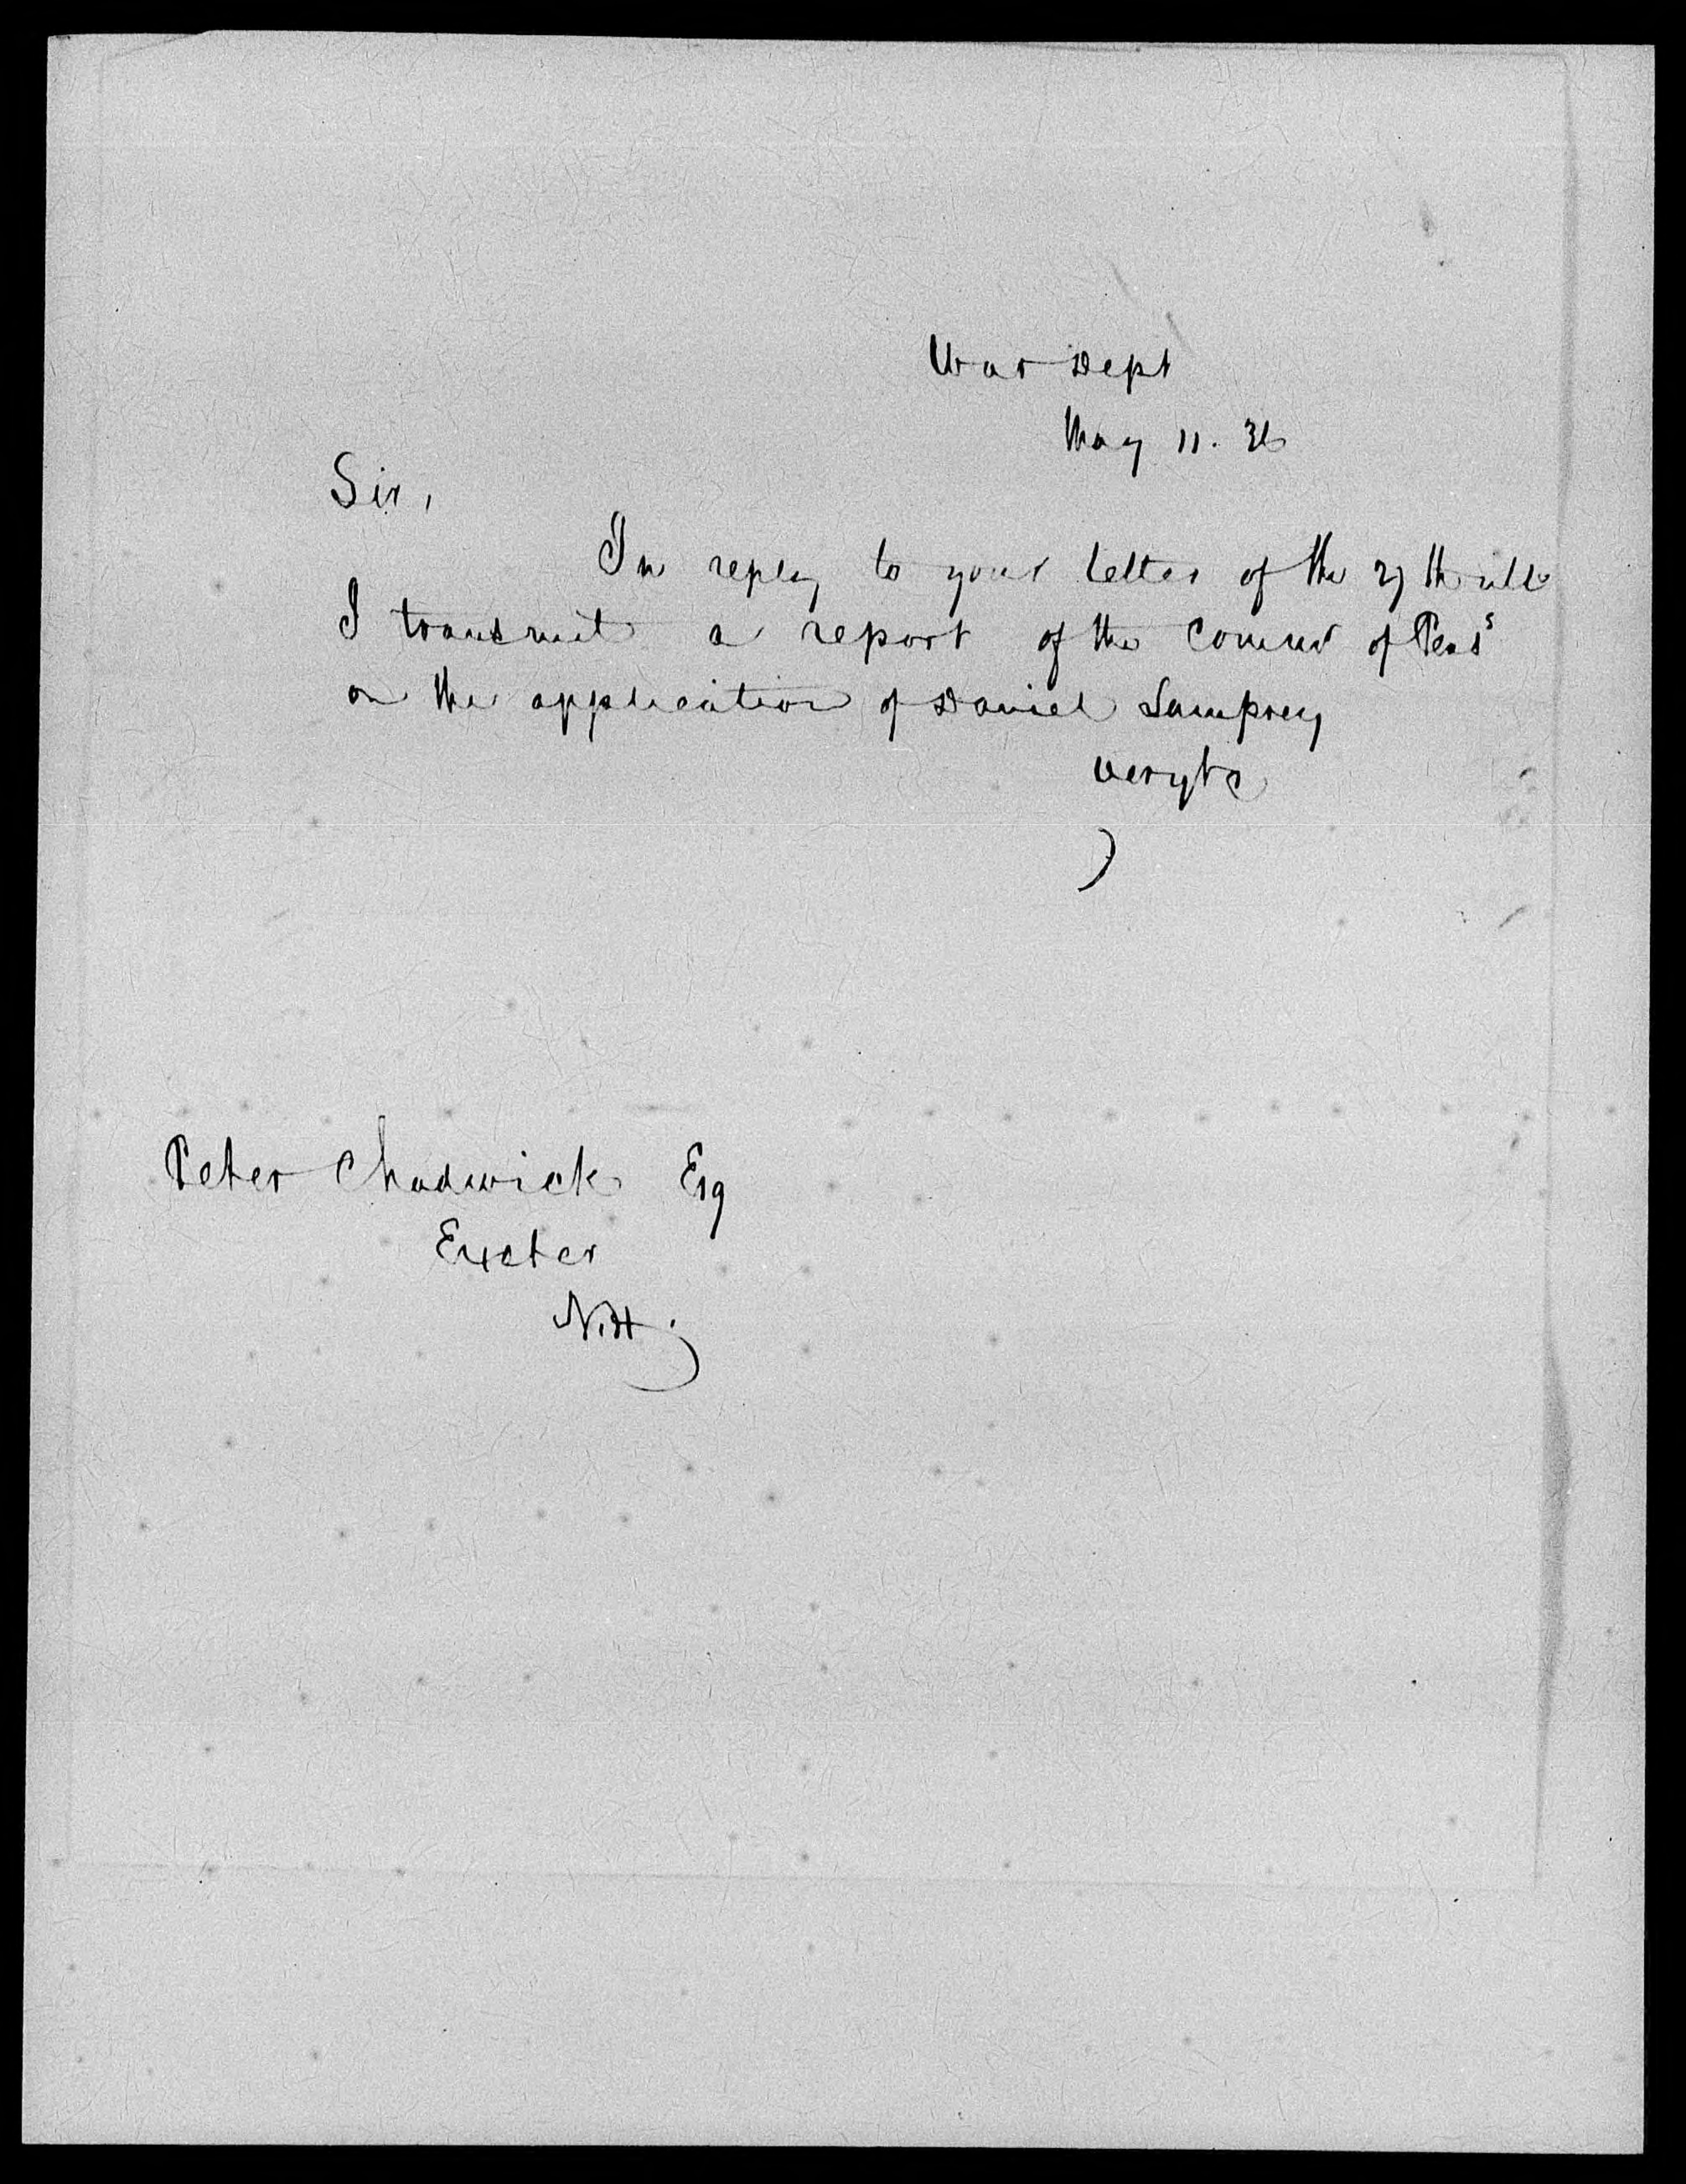War Dept
May 11. [18]36
Sir,
In reply to your letter of the 4th ult [last month] I will transmit a report of the Court of Pleas on the application of Daniel Lamprey
Very &c [ETC]
Peter Chadwick Esq [ESQUIRE]
Exeter
N. H.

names: Daniel Lamprey; Peter Chadwick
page: 20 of 53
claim: widow's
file: W. 492, for Daniel Lamprey, New Hampshire